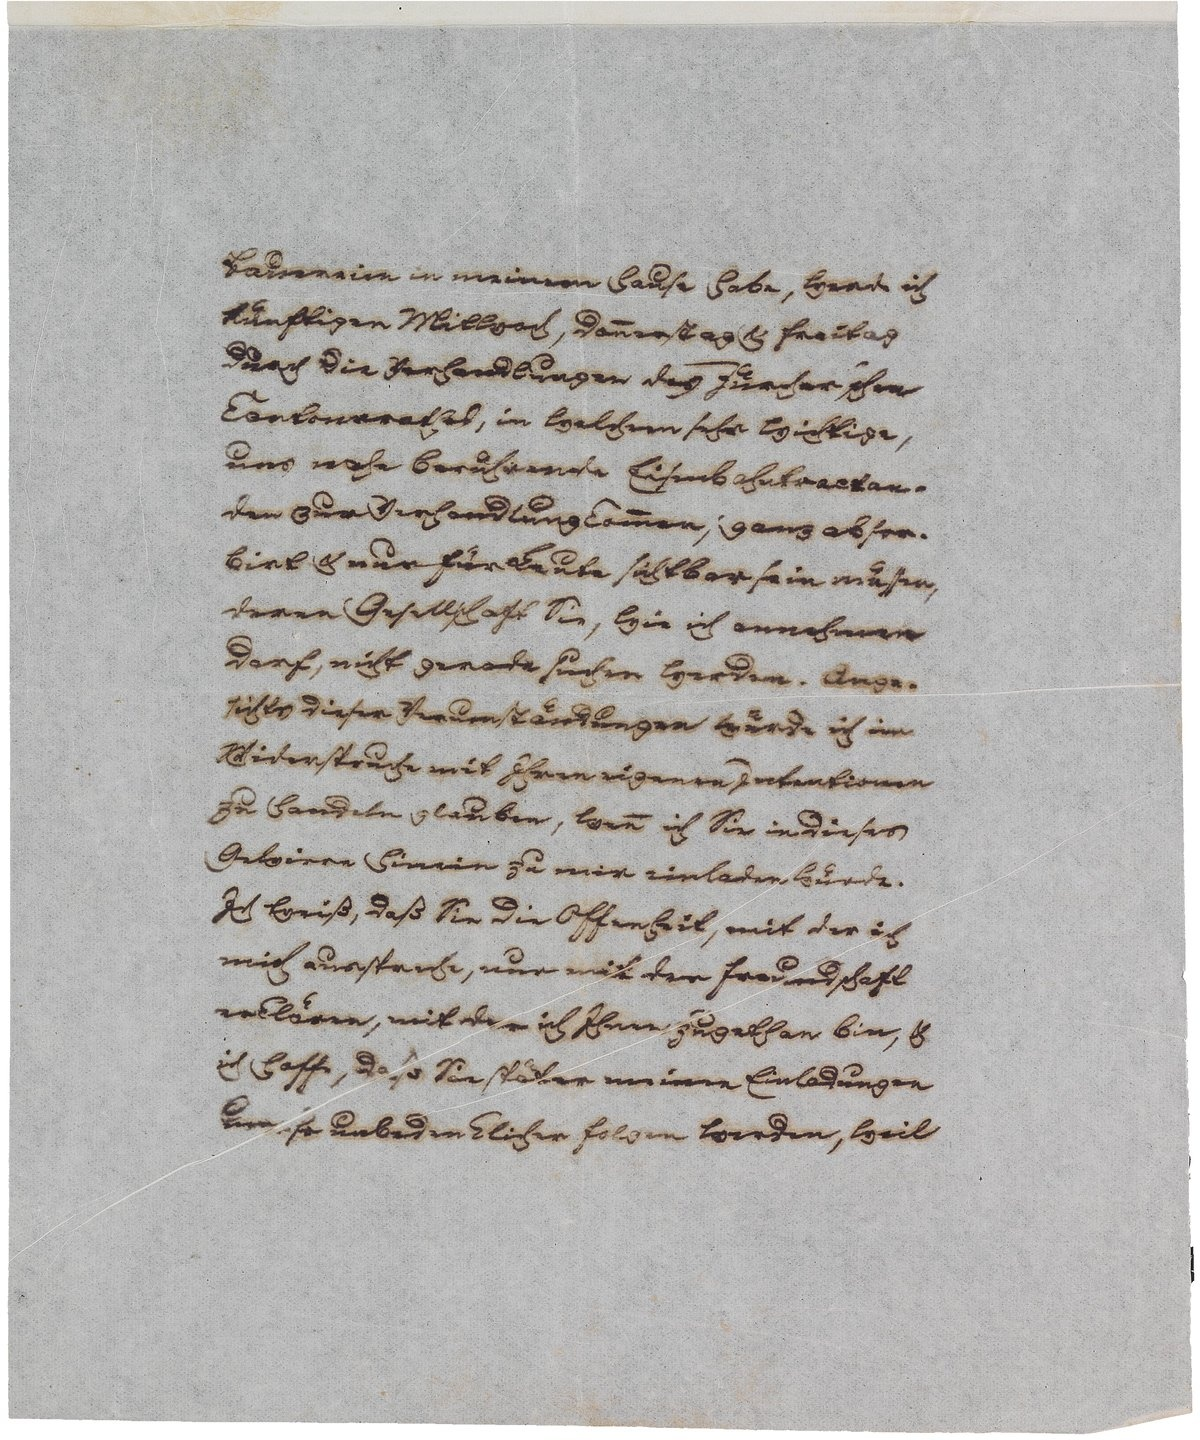Bauereien in meinem Hause habe, werde ich
künftigen Mitwoch, Donnerstag & Freitag
durch die Verhandlungen des Zürcher'schen
Cantonsrathes, in welchem sehr wichtige,
uns nahe berührende Eisenbahntractan-
den zur Verhandlung kommen, ganz absor-
birt & nur für Leute sichtbar sein müssen,
deren Gesellschaft Sie, wie ich annehmen
darf, nicht gerade suchen werden. Ange-
sichts dieser Verumständungen würde ich im
Widerspruche mit Ihren eigenen Intentionen
zu handeln glauben, wenn ich Sie in dieses
Gewirre hinein zu mir einladen würde.
Ich weiß, daß Sie die Offenheit, mit der ich
mich ausspreche, nur mit der Freundschaft
erklären, mit der ich Ihnen zugethan bin, &
ich hoffe, daß Sie später meinen Einladungen
um so unbedenklicher folgen werden, weil